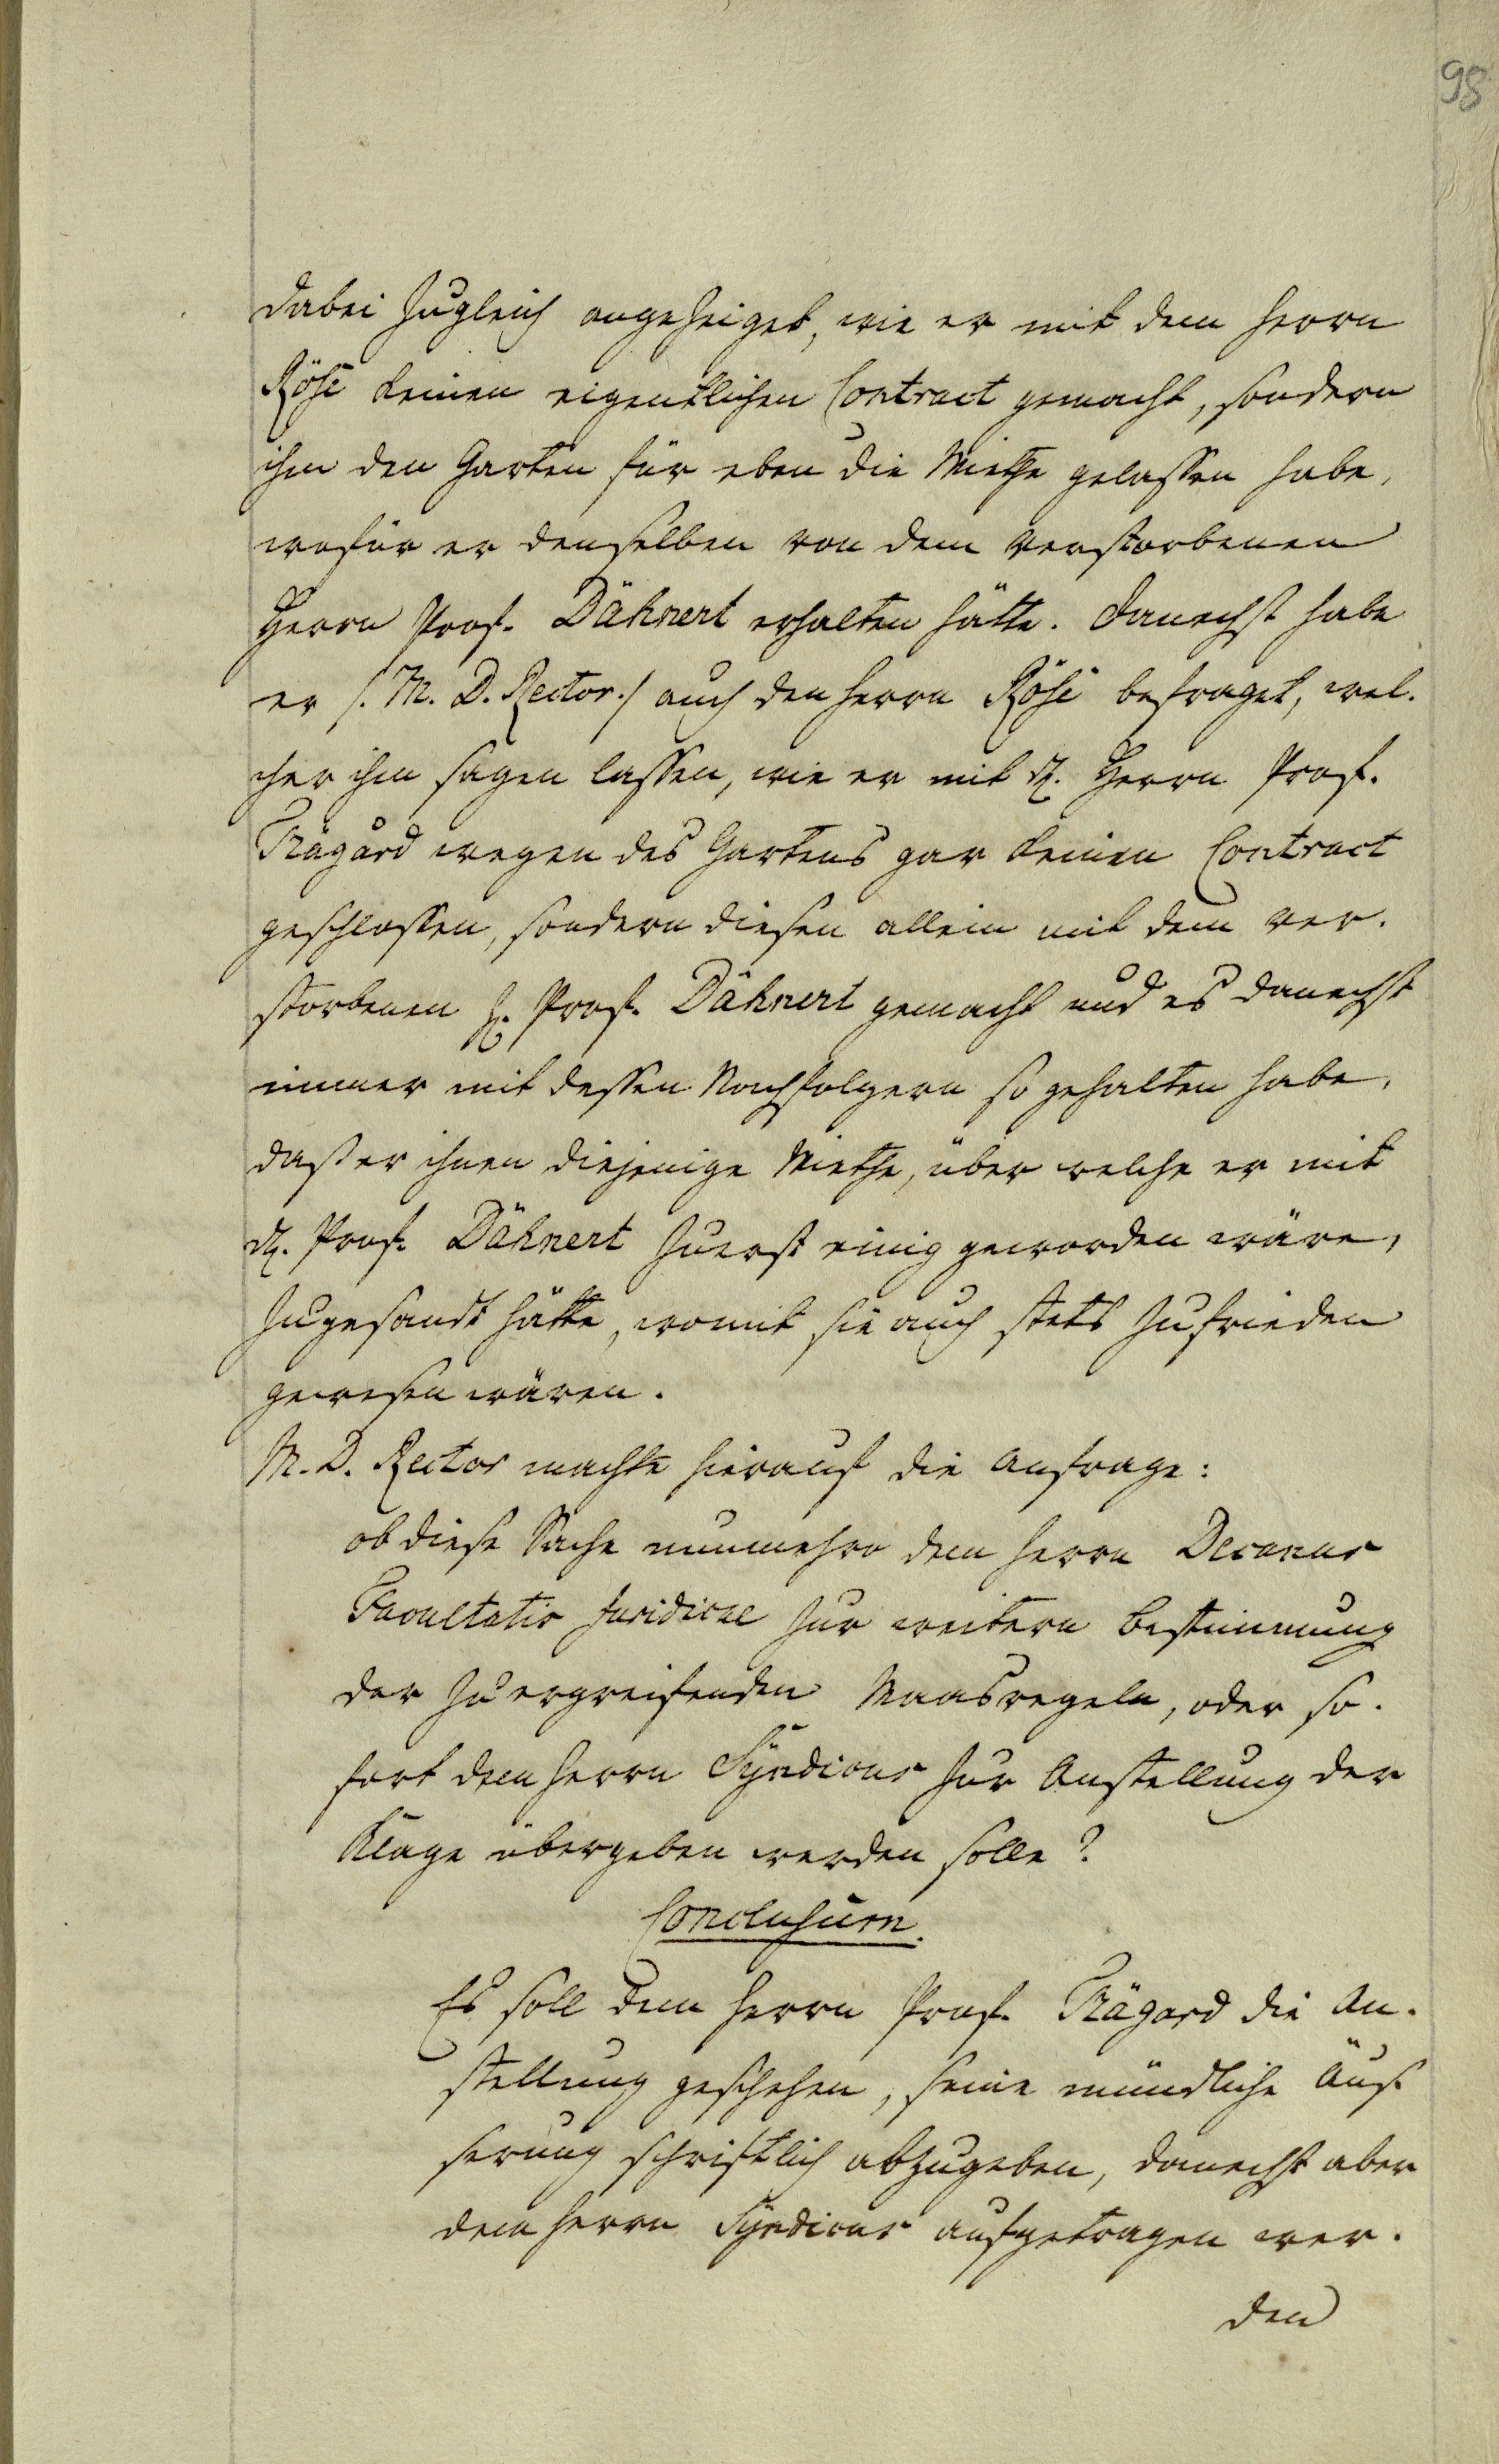dabei zugleich angezeiget, wie er mit dem Herrn
Röse keinen eigentlichen Contract gemacht, sondern
ihm den Garten für eben die Miethe gelassen habe,
wofür er denselben von dem verstorbenen
Herrn Prof. Dähnert erhalten hätte. Danechst habe
er /. M. D. Rector ./ auch den Herrn Röse befraget, wel¬
cher ihm sagen lassen, wie er mit dh. Herrn Prof.
Trägård wegen des Gartens gar keinen Contract
geschlossen, sondern diesen allein mit dem ver¬
storbenen H. Prof. Dähnert gemacht und es danechst
immer mit dessen Nachfolgern so gehalten habe,
daß er ihnen diejenige Miethe, über welche er mit
dh. Prof. Dähnert zuerst einig geworden wäre,
zugesandt hätte, womit sie auch stets zufrieden
gewesen wären.
M. D. Rector machte hierauf die Anfrage:
ob diese Sache nunmehro dem Herrn Decanus
Facultatis Juridicae zur weitern Bestimmung
der zu ergreifenden Maasregeln, oder so¬
fort dem Herrn Sÿndicus zur Anstellung der
Klage übergeben werden solle?
Conclusum.
Es soll dem Herrn Prof. Trägård die An¬
stellung geschehen, seine mündliche Äus¬
serung schriftlich abzugeben, danechst aber
dem Herrn Sÿndicus aufgetragen wer¬
den